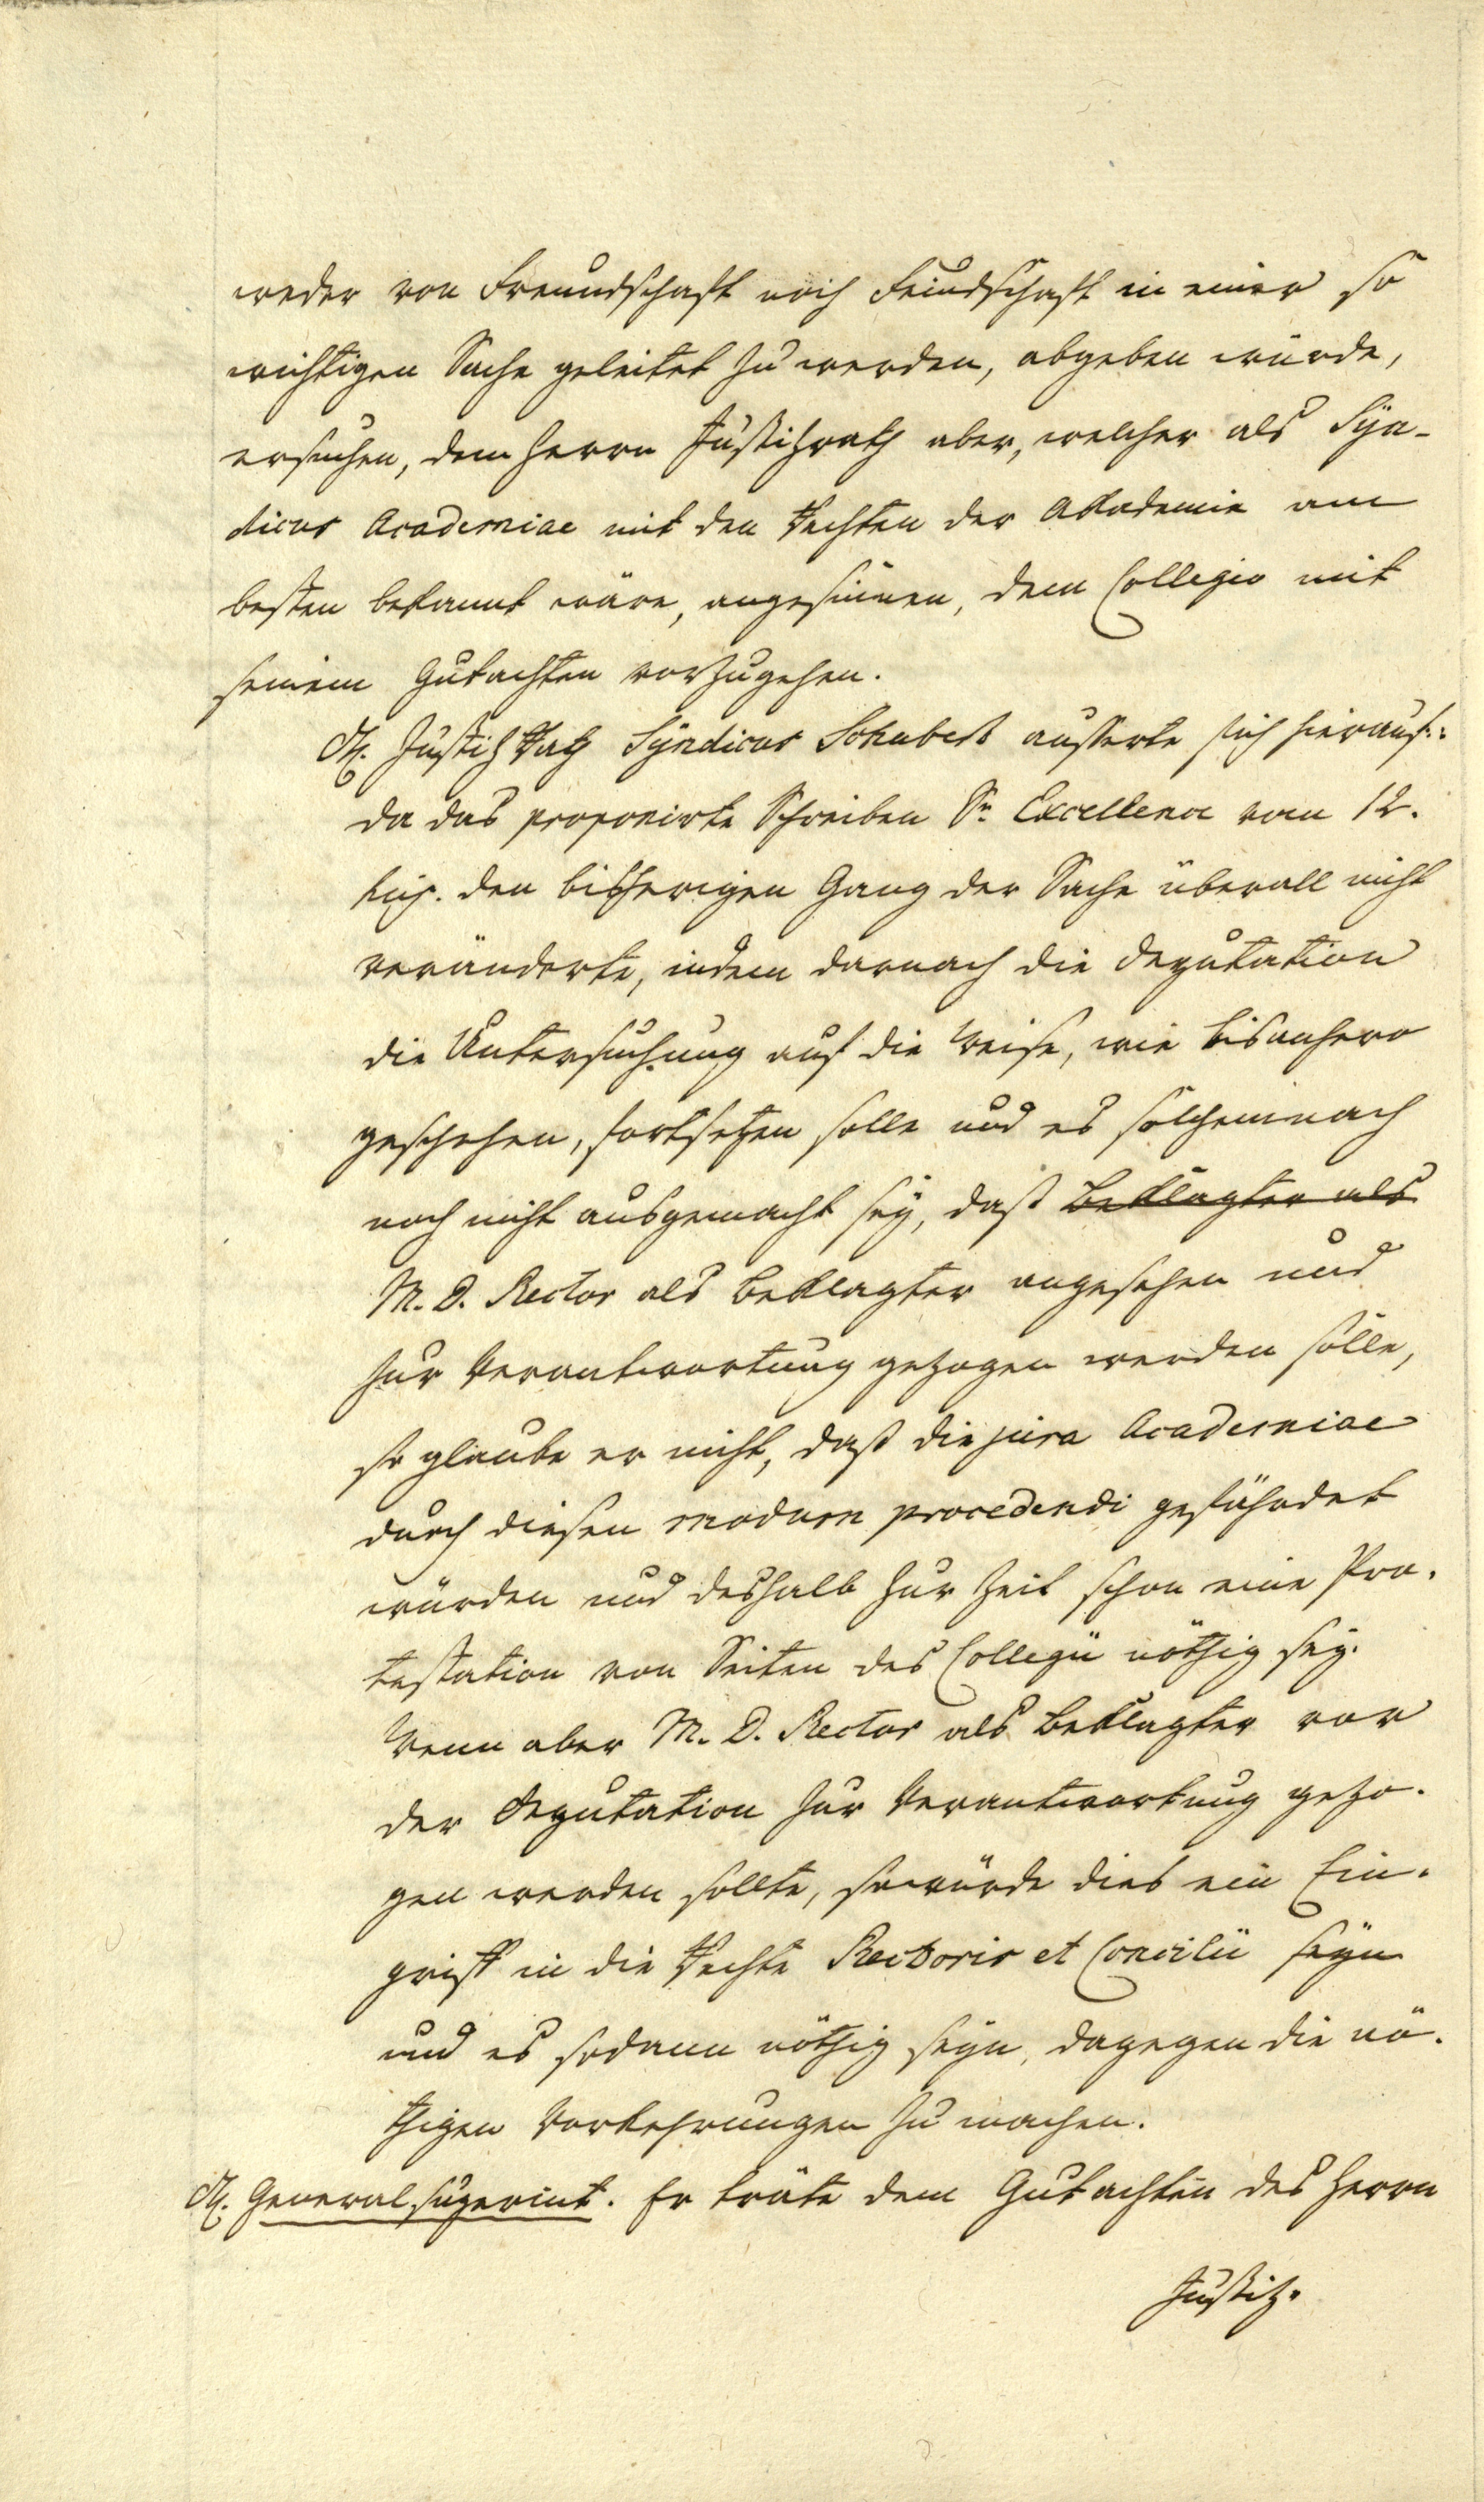weder von Freundschaft noch Feindschaft in einer so
wichtigen Sache geleitet zu werden, abgeben würde,
ersuchen, dem Herrn Justizrath aber, welcher als Sÿn¬
dicus Academiae mit den Rechten der Akademie am
besten bekannt wäre, angesinnen, dem Collegio mit
seinem Gutachten vorzugehen.
dh. Justiz Rath Sÿndicus Schubert äusserte sich hierauf:
da das proponirte Schreiben Sr Excellence vom 12.
huj. den bisherigen Gang der Sache überall nicht
veränderte, indem darnach die Deputation
die Untersuchung auf die Weise, wie bisanhero
geschehen, fortsetzen solle und es solchemnach
noch nicht ausgemacht seÿ, daß Beklagter als
M. D. Rector als Beklagter angesehen und
zur Verantwortung gezogen werden solle,
so glaube er nicht, daß die jura Academiae
durch diesen modum procedendi gefährdet
würden und deshalb zur Zeit schon eine Pro¬
testation von Seiten des Collegii nöthig sey.
Wenn aber M. D. Rector als Beklagter vor
der Deputation zur Verantwortung gezo¬
gen werden sollte, sowürde dies ein Ein¬
griff in die Rechte Rectoris et Concilii seÿn
und es sodann nöthig seÿn, dagegen die nö¬
thigen Vorkehrungen zu machen.
dh. Generalsuperint. Er träte dem Gutachten des Herrn
Justiz.